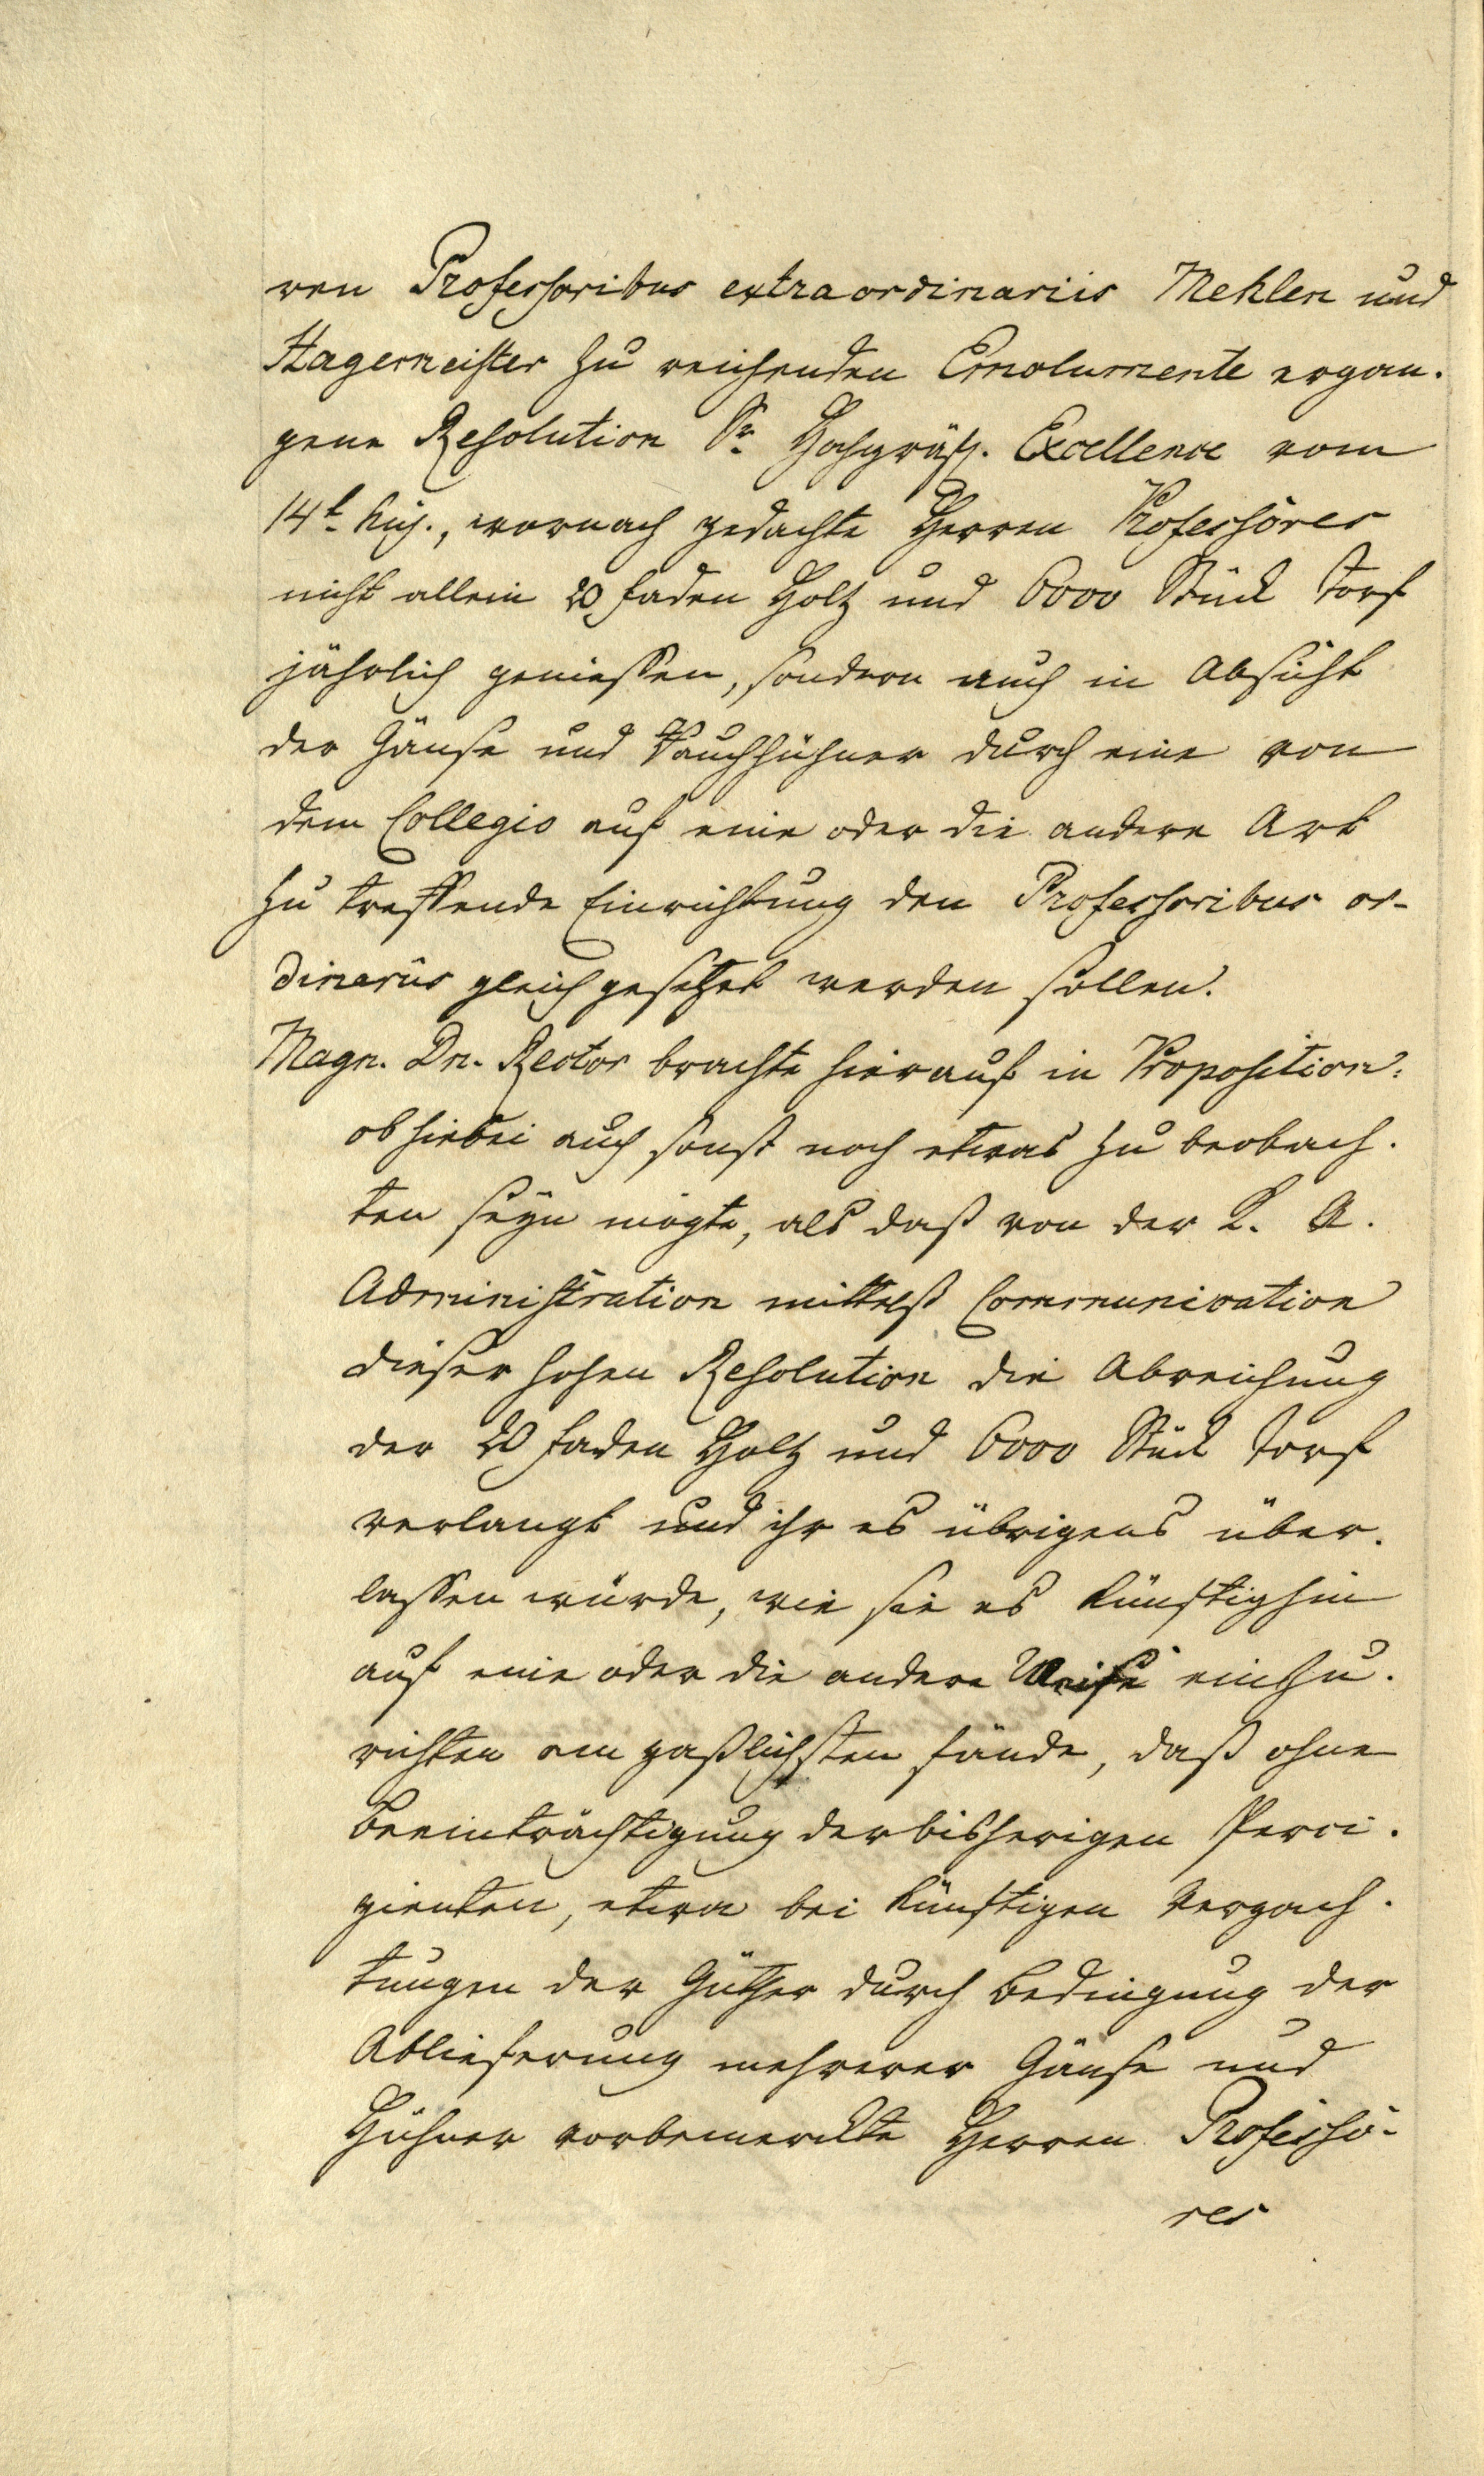ren Professoribus extraordinariis Mehlen und
Hagemeister zu reichenden Emolumente ergan¬
gene Resolution Sr Hochgräfl. Excellence vom
14. huj., wornach gedachte Herren Professores
nicht allein 20 Faden Holz und 6000 Stück Torf
jährlich geniessen, sondern auch in Absicht
der Gänse und Rauchhühner durch eine von
dem Collegio auf eine oder die andere Art
zu treffende Einrichtung den Professoribus or¬
dinariis gleich gesetzet werden sollen.
Magn. Dn. Rector brachte hierauf in Proposition:
ob hiebei auch sonst noch etwas zu beobach¬
ten seÿn mögte, als daß von der K. A.
Administration mittelst Communication
dieser hohen Resolution die Abreichung
der 20 Faden Holz und 6000 Stück Torf
verlangt den ihr es übrigens über¬
lassen würde, wie sie es künftighin
auf eine oder die andere Weise einzu¬
richten am paßlichsten fände, daß ohne
Beeinträchtigung der bisherigen Perci¬
pienten, etwa bei künftigen Verpach¬
tungen der Güther durch Bedingung der
Ablieferung mehrerer Gänse und
Hühner vorbemerckte Herren Professo¬
res